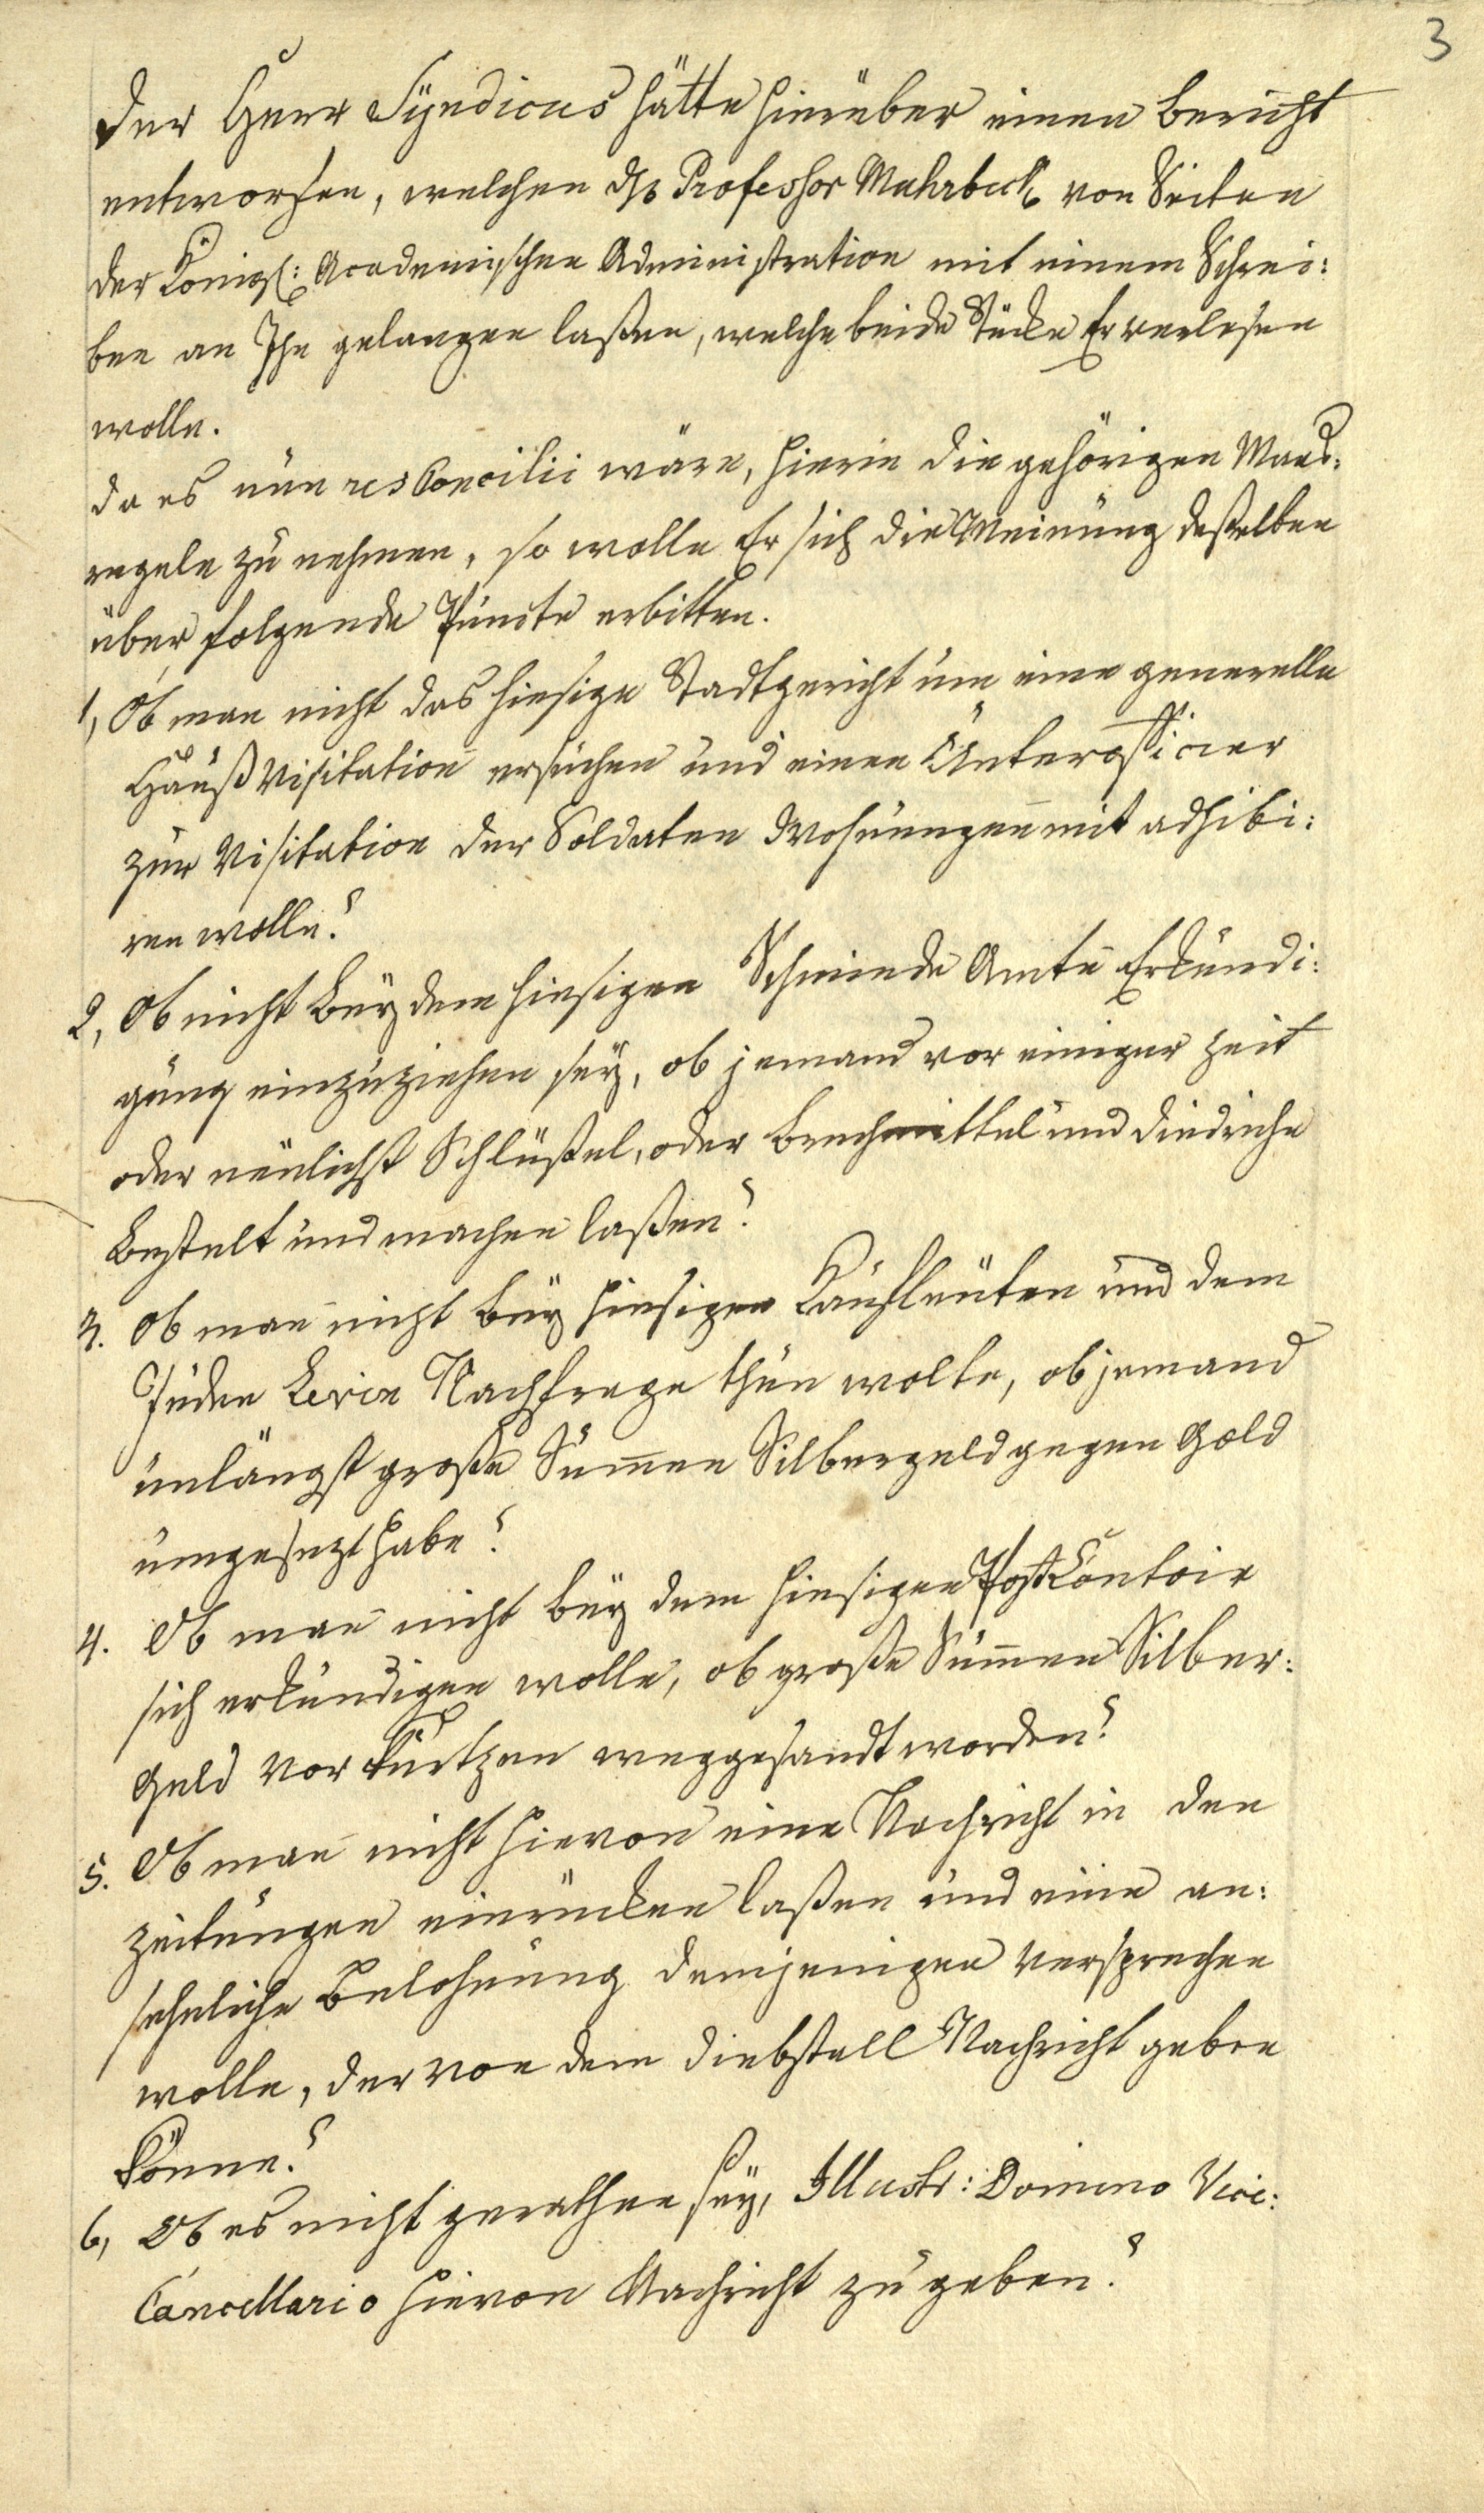Der Herr Sÿndicus hätte hierüber einen Bericht
entworfen, welchen dh Professor Muhrbeck von Seiten
der Königl. Academischen Administration mit einem Schrei¬
ben an Ihn gelangen laßen, welche beide Stücke Er verlesen
wolle.
Da es nun res Concilii wäre, hierin die gehörigen Maas¬
regeln zu nehmen, so wolle Er sich die Meinung deßelben
über folgende Puncte erbitten.
1, Ob man nicht das hiesige Stadtgericht um eine generelle
Hauß Visitation ersuchen und einen Unterofficier
zur Visitation der Soldaten Wohnungen mit adhibi¬
ren wolle?
2. Ob nicht beÿ dem hiesigen Schmiede Amte Erkund¬
gung einzuziehen seÿ, ob jemand vor einiger Zeit
oder neulichst Schlüßel, oder Brechmittel und Diedriche
bestellt und machen laßen?
3. Ob man nicht beÿ hiesigen Kaufleuten und dem
Juden Levin Nachfrage thun wolte, ob jemand
unlängst große Sumen Silbergeld gegen Gold
umgesezt habe?
4. Ob man nicht beÿ dem hiesigen PostContoir
sich erkundigen wolle, ob große Sumen Silber¬
Geld vor kurtzem weggesandt worden?
5. Ob man nicht hievon eine Nachricht in den
Zeitungen einrücken laßen und eine an¬
sehnliche Belohnung demjenigen versprechen
wolle, der von dem Diebstall Nachricht geben
könne?
6, Ob es nicht gerathen seÿ, Illustr. Domino Vice¬
Cancellario hievon Nachricht zu geben?